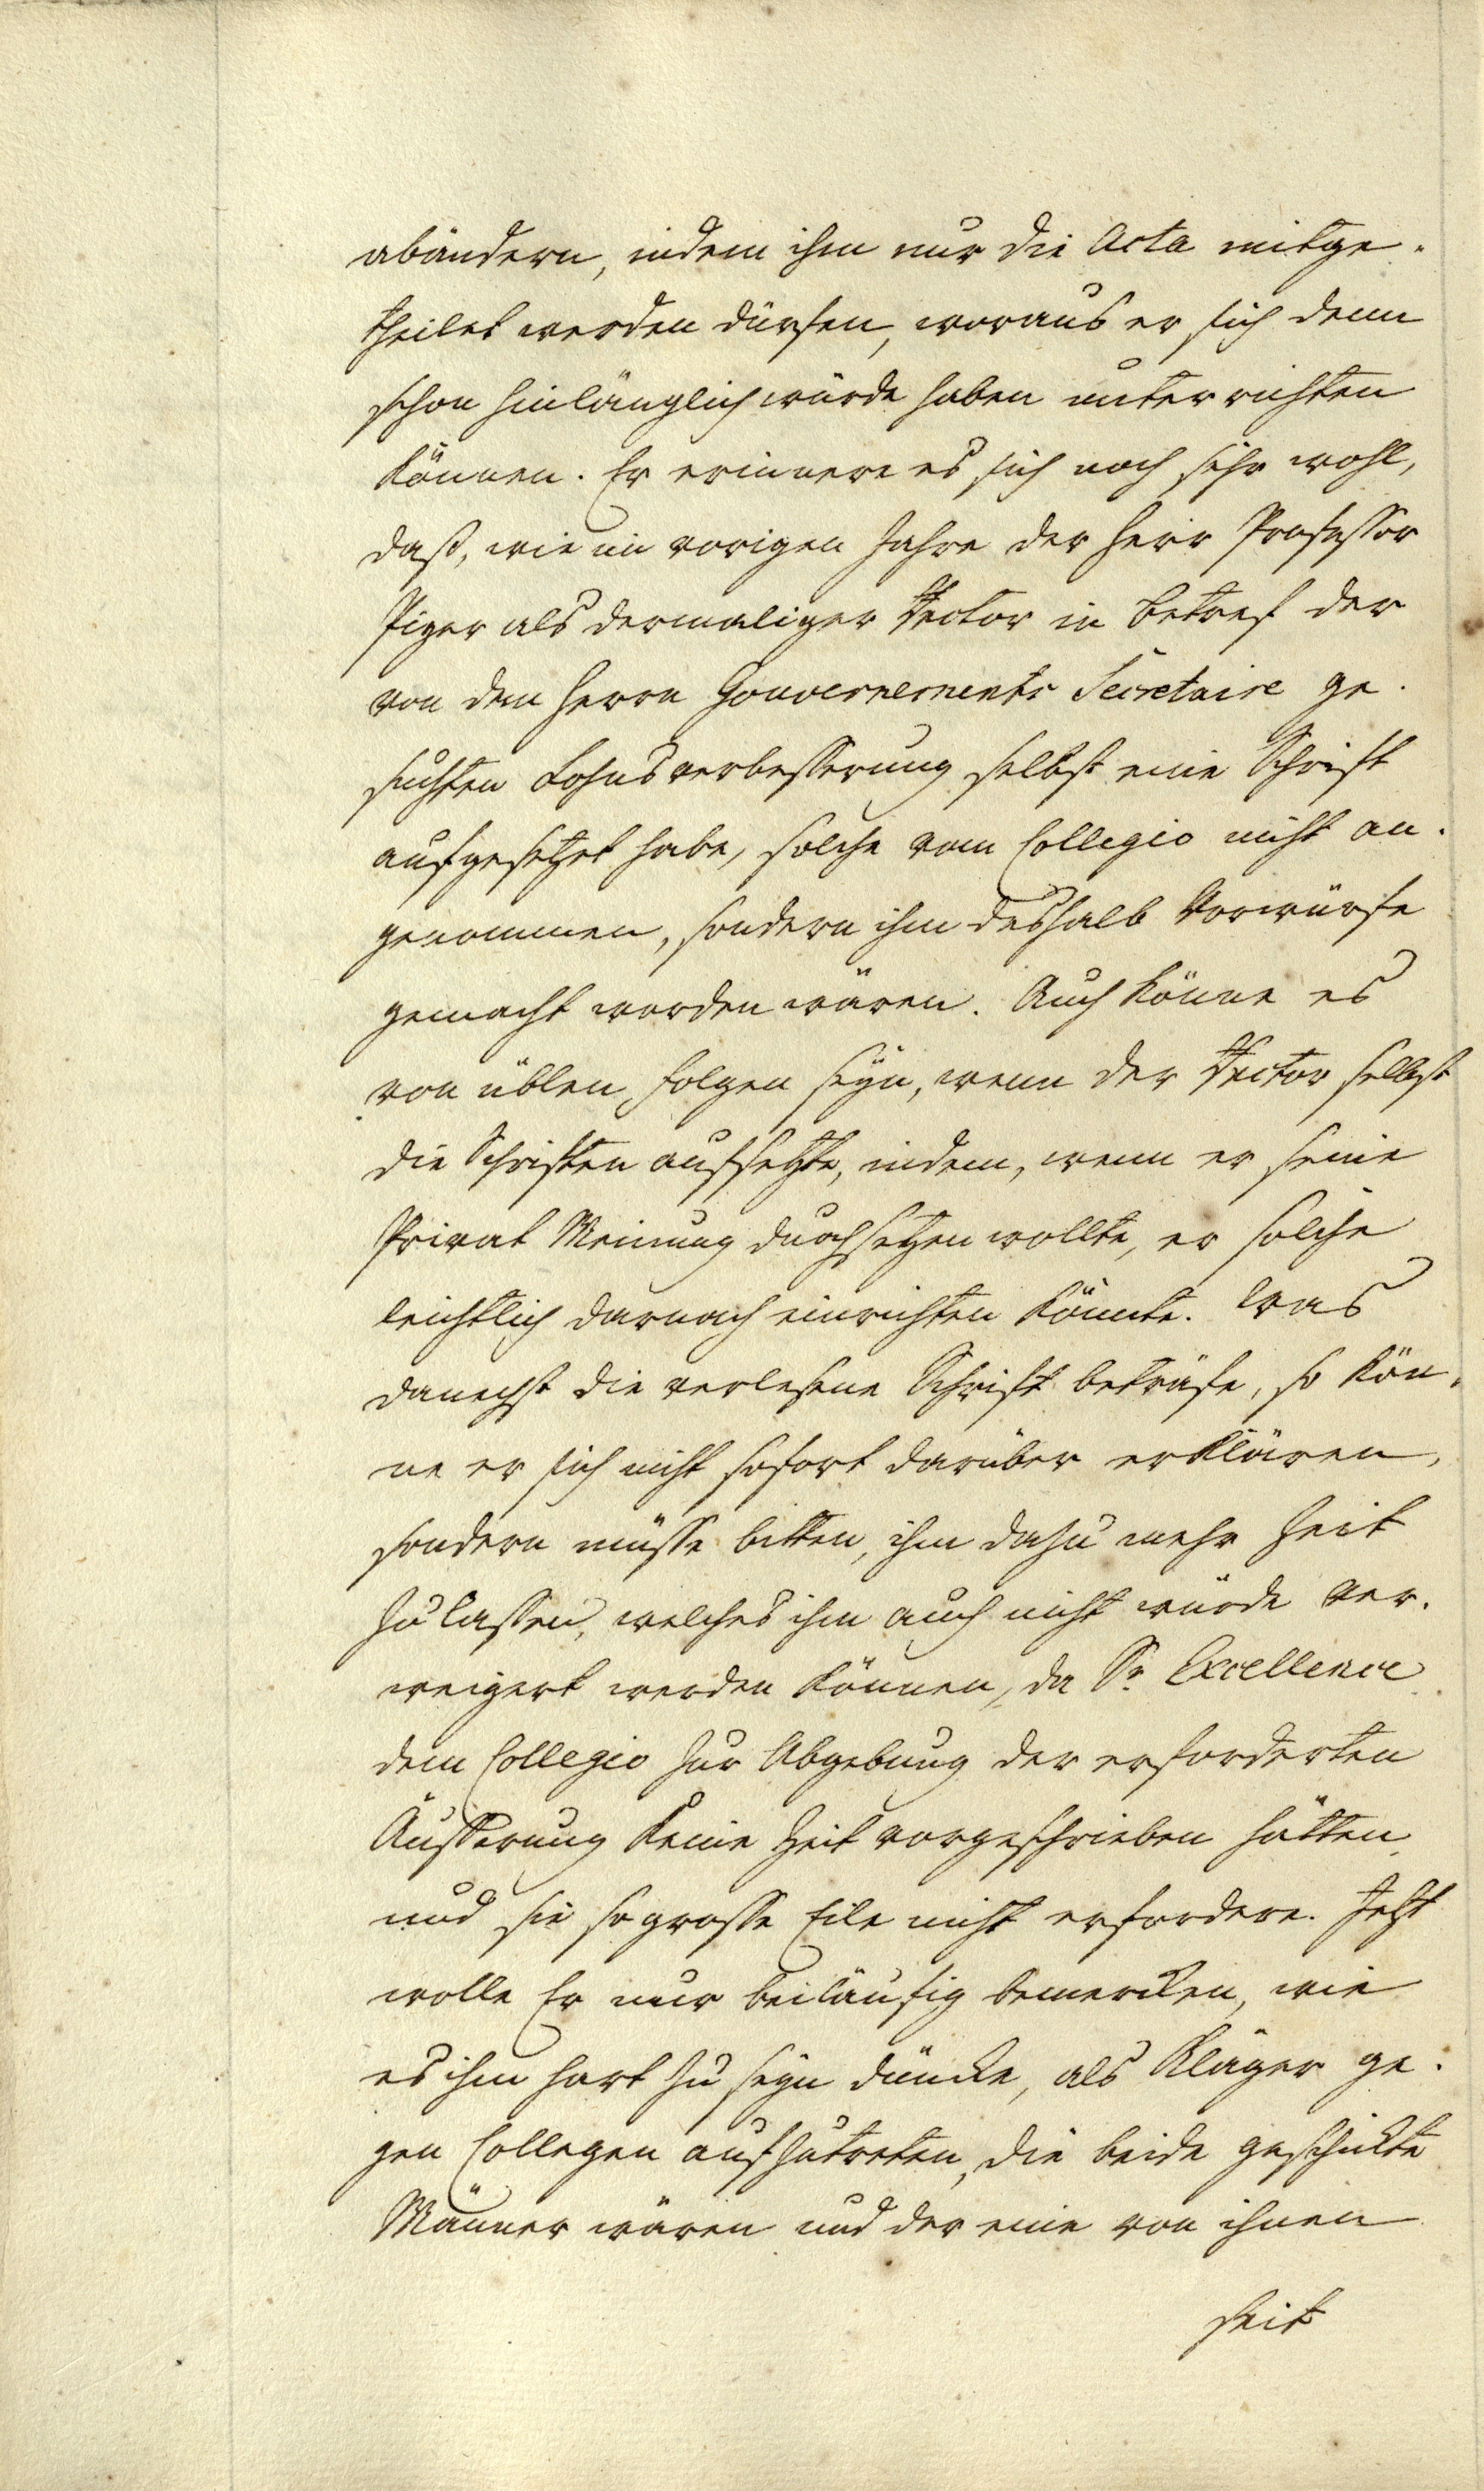abändern, indem ihm nur die Acta mitge¬
theilet werden dürfen, woraus er sich denn
schon hinlänglich würde haben unterrichten
können. Er erinnere es sich noch sehr wohl,
daß, wie im vorigen Jahre der Herr Professor
Piper als dermaliger Rector in Betref der
von dem Herrn Gouvernements Secretaire ge¬
suchten Lohnsverbesserung selbst eine Schrift
aufgesetzet habe, solche vom Collegio nicht an¬
genommen, sondern ihm deshalb Vorwürfe
gemacht worden wären. Auch könne es
von üblen Folgen seÿn, wenn der Rector selbst
die Schriften aufsetzte, indem, wenn er seine
Privat Meinung durchsetzen wollte, er solche
leichtlich darnach einrichten könnte. Was
danechst die verlesene Schrift beträfe, so kön¬
ne er sich nicht sofort darüber erklären,
sondern müsse bitten, ihm dazu mehr Zeit
zu lassen, welches ihm auch nicht würde ver¬
weigert werden können, da Sr Excellence
dem Collegio zur Abgebung der erforderten
Äusserung keine Zeit vorgeschrieben hätten
und sie so grosse Eile nicht erfordere. Jetzt
wolle Er er nur beiläufig bemercken, wie
es ihm hart zu seÿn düncke, als Kläger ge¬
gen Collegen aufzutreten, die beide geschickte
Männer wären und der eine von ihnen
seit